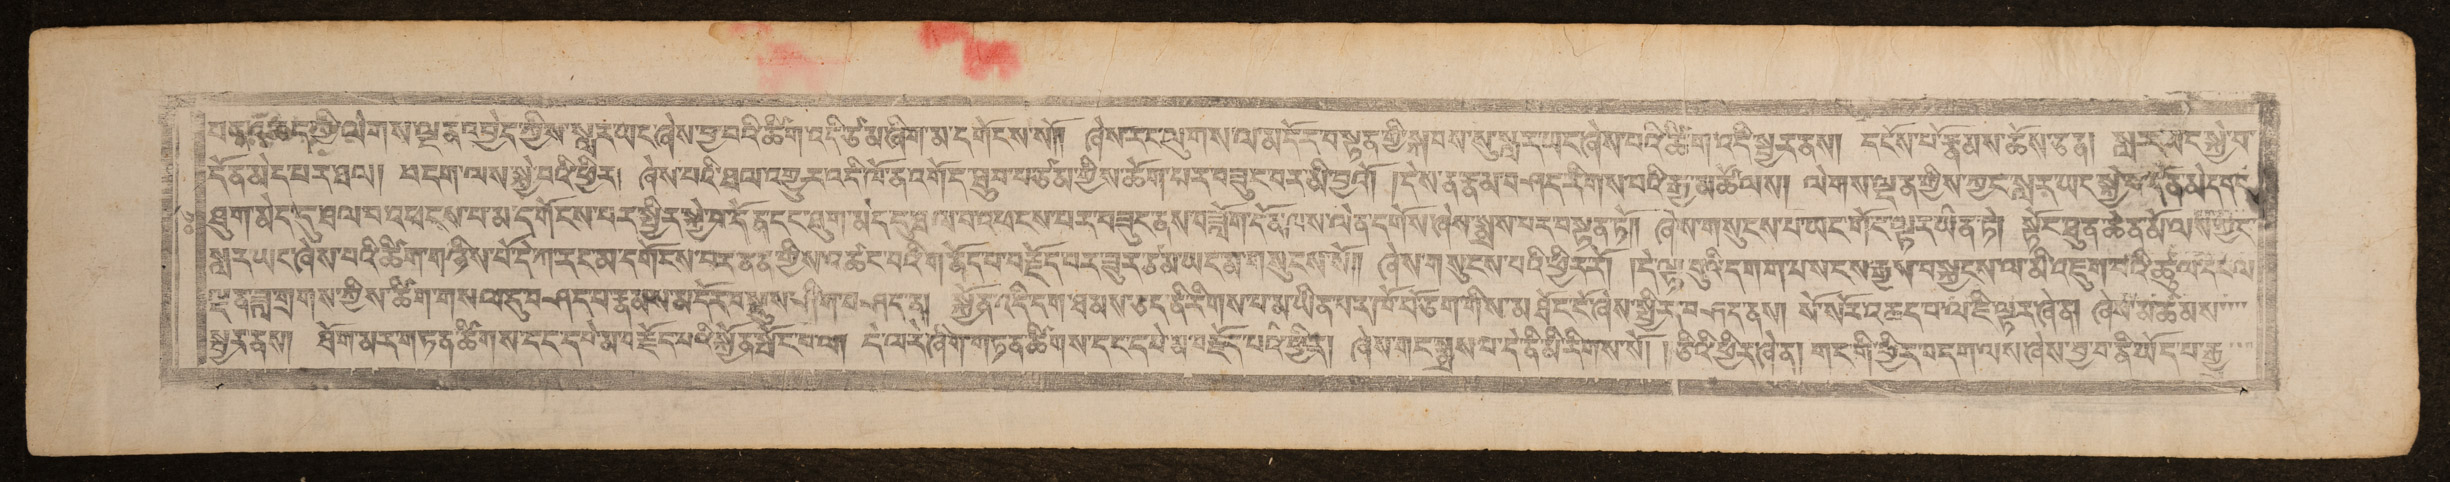པར་འཆད་ཀྱི་ལེགས་ལྡན་འབྱེད་ཀྱིས་སླར་ཡང་ཞེས་བྱ་བའི་ཚིག་བཙམ་ཞིག་མ་དགོངས་སོ། །ཞེས་རང་ལུགས་ལ་མདོར་བསྟན་གྱི་སྐབས་སུ་སླར་ཡང་ཞེས་པའི་ཚིག་འདི་སྦྱར་ནས། དངོས་པོ་རྣམས་ཆོས་ཅན། སླར་ཡང་སྐྱེ་བ་
དོན་མེད་པར་ཐལ། བདག་ལས་སྐྱེ་བའི་ཕྱིར། ཞེས་པའི་ཐལ་འགྱུར་འདི་ཁོ་ན་འགོད་ཐུབ་པ་ཙམ་གྱིས་ཆོག་པར་བཟུང་བར་མི་བྱའོ། །དེས་ན་རྣམ་བཤད་རིགས་པའི་རྒྱ་མཚོ་ལས། ལེགས་ལྡན་གྱིས་ཀྱང་སླར་ཡང་སྐྱེ་བ་དོན་མེད་དང་
ཐུག་མེད་དུ་ཐལ་བ་འཕངས་པ་མ་དགོངས་པར་སྤྱིར་སྐྱེ་བ་དོན་དང་ཐུག་མེད་དུ་ཐལ་བ་འཕངས་པར་བཟུང་ནས་བཟློག་དོན་ཁས་ལེན་དགོས་ཞེས་སྨྲས་པར་?་བསྟན་ཏོ། །ཞེས་གསུངས་པ་ཡང་གོང་ལྟར་ཡིན་ཏེ། སྟོང་ཐུན་ཆེན་མོ་ལས་ཀྱང་
སླར་ཡང་ཞེས་པའི་ཚིག་གཉིས་པོ་དེ་ཀ་རང་མ་དགོངས་པར་ནམ་གྱིས་འཚང་བའི་གནོད་པ་བརྗོད་པར་ཟུར་ཙམ་ཡང་མ་གསུངས་སོ། །ཞེས་གསུངས་པའི་ཕྱིར་རོ། །དེ་ལྟ་བུའི་དགག་པ་སངས་རྒྱས་བསྐྱངས་ལ་མི་འཇུག་པའི་ཚུལ་དཔལ་
ལྡན་ཟླ་གྲགས་ཀྱིས་ཚིག་གསལ་དུ་བཤད་པ་རྣམས་མདོར་བསྡུས་ཤིག་བཤད་ན། སྐྱོན་འདི་དག་ཐམས་ཅད་ནི་རིགས་པ་མ་ཡིན་པར་ཁོ་བོ་ཅག་གིས་མཐོང་ངོ་ཞེས་སྤྱིར་བཤད་ནས། སོ་སོར་འཆད་པ་ལ་ཇི་ལྟར་ཞེ་ན། ཞེས་མཚམས་
སྦྱར་ནས། ཐོག་མར་གཏན་ཚིགས་དང་དཔེ་མ་བརྗོད་པའི་སྐྱོན་སྤོང་བ་ལ། དེ་ལ་རེ་ཞིག་གཏན་ཚིགས་དང་དཔེ་མ་བརྗོད་པའི་ཕྱིར། ཞེས་གང་སྨྲས་པ་དེ་ནི་མི་རིགས་སོ། །ཅིའི་ཕྱིར་ཞེ་ན། གང་གི་ཕྱིར་བདག་ལས་ཞེས་བྱ་བ་ནི་ཡོད་པ་རྒྱུ་